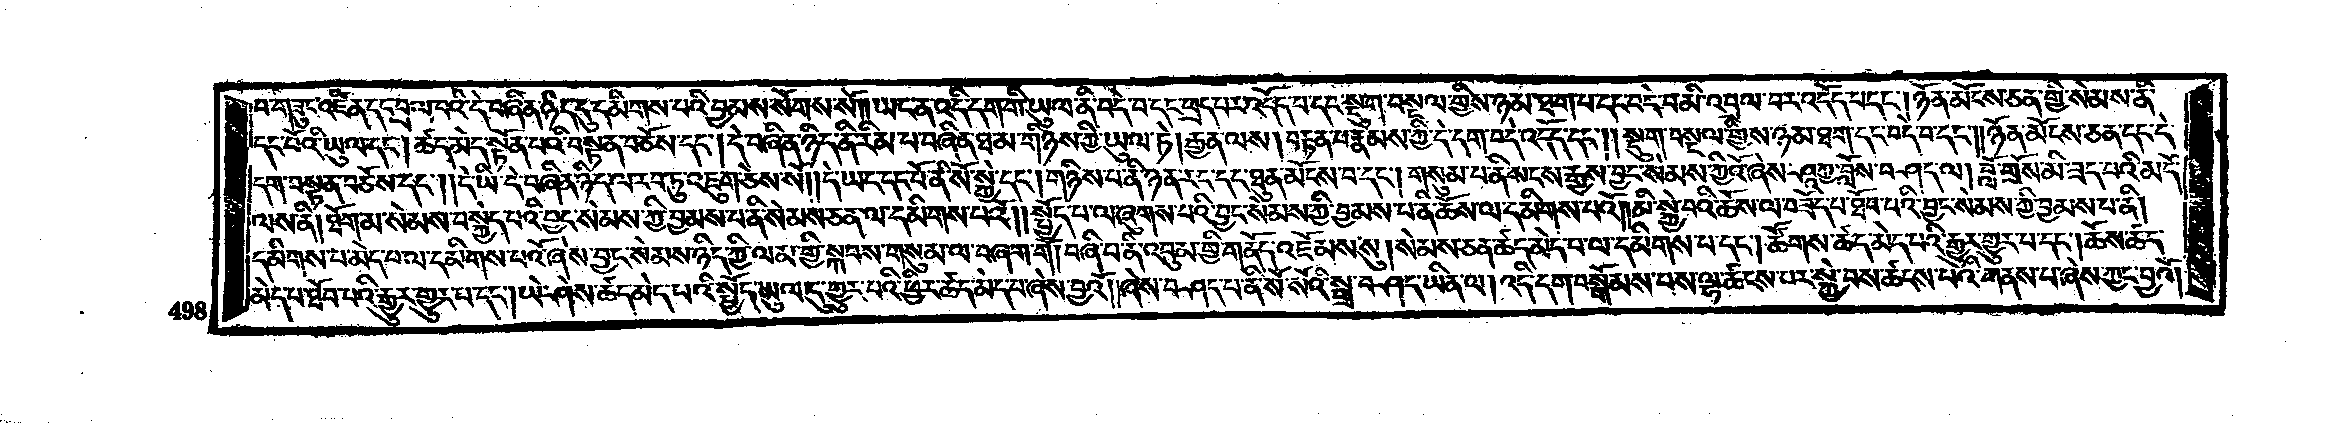པ་གཟུང་འཛིན་དང་བྲལ་བའི་དེ་བཞིན་ཉིད་དུ་དམིགས་པའི་བྱམས་སོགས་སོ། །ཡང་ན་འདི་དག་གི་ཡུལ་ནི་བདེ་བ་དང་ཕྲད་པར་འདོད་པ་དང་སྡུག་བསྔལ་གྱིས་ཉམ་ཐག་པ་དང་བདེ་བ་མི་འབྲལ་བར་འདོད་པ་དང་། ཉོན་མོངས་ཅན་གྱི་སེམས་ནི་
དང་པོའི་ཡུལ་དང་། ཚད་མེད་སྟོན་པའི་བསྟན་བཅོས་དང་། དེ་བཞིན་ཉིད་ནི་རིམ་པ་བཞིན་ཐ་མ་གཉིས་ཀྱི་ཡུལ་ཏེ། རྒྱན་ལས། བརྟན་པ་རྣམས་ཀྱི་དེ་དག་བདེ་འདོད་དང་། སྡུག་བསྔལ་གྱིས་ཉམ་ཐག་དང་བདེ་བ་དང་། ཉོན་མོངས་ཅན་དང་དེ་
དག་བསྟན་བཅོས་དང་། །དེ་ཡི་དེ་བཞིན་ཉིད་ལ་རབ་ཏུ་འཇུག་ཅེས་སོ། །དེ་ཡང་དང་པོ་ནི་སོ་སྐྱེ་དང་། གཉིས་པ་ནི་ཉན་རང་དང་ཐུན་མོངས་བ་དང་། གསུམ་པ་ནི་སངས་རྒྱས་བྱང་སེམས་ཀྱིའོ་ཞེས་ཤཱཀྱ་བློས་བཤད་ལ། བློ་གྲོས་མི་ཟད་པའི་མདོ་
ལས་ནི། ཐོག་མ་སེམས་བསྐྱེད་པའི་བྱང་སེམས་ཀྱི་བྱམས་པ་ནི་སེམས་ཅན་ལ་དམིགས་པའོ། །སྤྱོད་པ་ལ་ཞུགས་པའི་བྱང་སེམས་ཀྱི་བྱམས་པ་ནི་ཆོས་ལ་དམིགས་པའོ། །མི་སྐྱེ་བའི་ཆོས་ལ་བཟོད་པ་ཐོབ་པའི་བྱང་སེམས་ཀྱི་བྱམས་པ་ནི།
དམིགས་པ་མེད་པ་ལ་དམིགས་པའོ་ཞེས་བྱང་སེམས་ཉིད་ཀྱི་ལམ་གྱི་སྐབས་གསུམ་ལ་བཞག་གོ །བཞི་པ་ནི་འབུམ་གྱི་གནོད་འཇོམས་སུ། སེམས་ཅན་ཚད་མེད་པ་ལ་དམིགས་པ་དང་། ཚོགས་ཚད་མེད་པའི་རྒྱུར་གྱུར་པ་དང་། ཆོས་ཚད་
མེད་པ་ཐོབ་པའི་རྒྱུར་གྱུར་པ་དང་། ཡེ་ཤེས་ཚད་མེད་པའི་སྤྱོད་ཡུལ་དུ་གྱུར་པའི་ཕྱིར་ཆེད་མེད་པ་ཞེས་བྱའོ། །ཞེས་བཤད་པ་ནི་སོ་སོའི་སྒྲ་བཤད་ཡིན་ལ། འདི་དག་བསྒོམས་པས་ལྷ་ཚངས་པར་སྐྱེ་བས་ཚངས་པའི་གནས་པ་ཞེས་ཀྱང་བྱའོ།